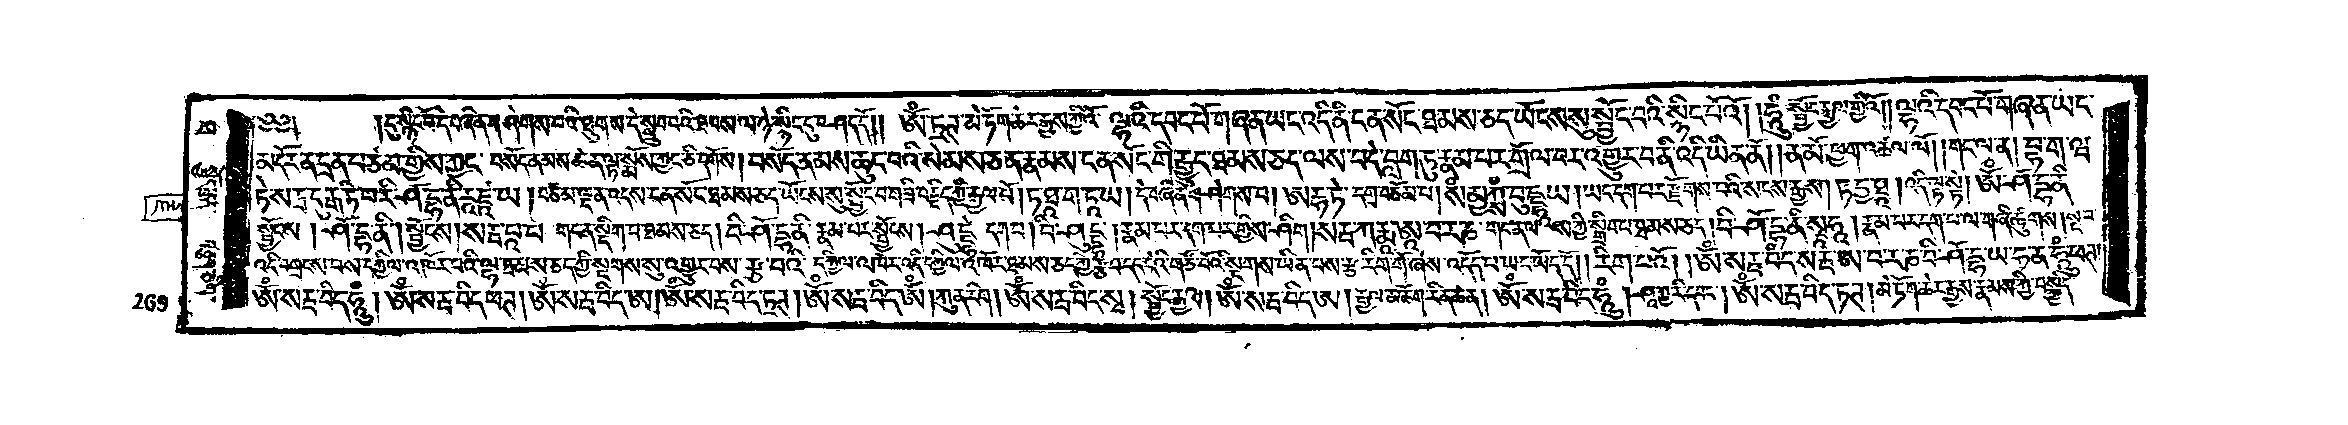༄༅། །དུ་སྙིང་པོ་དེ་བཞིན་གཤེགས་པའི་ཐུགས་དེ་སྒྲུབ་པའི་ཐབས་ལ་ཉེ་སྙིང་དུ་བཤད་དོ། །ཨོཾ་ཏྲཊ་མེ་ཏོག་ཆེར་རྒྱས་ཀྱེའོ་ལྷའི་དབང་པོ་གཞན་ཡང་འདི་ནི་ངན་སོང་ཐམས་ཅད་ཡོངས་སུ་སྦྱོང་བའི་སྙིང་པོའོ། །ཧཱུཾ་སྦྱོང་རྒྱལ་གྱིའོ།  །ལྷའི་དབང་པོ་གཞན་ཡང་
མདོར་ན་དྲན་པ་ཙམ་གྱིས་ཀྱང་བསོད་ནམས་ཆེ་ན་ལྟ་སྨོས་ཀྱང་ཅི་དགོས།  བསོད་ནམས་ཆུང་བའི་སེམས་ཅན་རྣམས་ངན་སོང་གི་རྒྱུད་ཐམས་ཅད་ལས་བདེ་བླག་ཏུ་རྣམ་པར་གྲོལ་བར་འགྱུར་བ་ནི་འདི་ཡིན་ནོ། །ན་མོ་ཕྱག་འཚལ་ལོ། །གང་ལ་ན། བྷ་ག་ཝ་
ཏེ་སརྦ་དུ་རྒ་ཏི་པ་རི་ཤོ་དྷ་ནི་རཱ་ཛཱ་ཡ། བཅོམ་ལྡན་འདས་ངན་སོང་ཐམས་ཅད་ཡོངས་སུ་སྦྱོང་བ་གཟི་བརྗིད་ཀྱི་རྒྱལ་པོ།  ཏ་ཐཱ་ག་ཏཱ་ཡ། དེ་བཞིན་གཤེགས་པ།  ཨརྷ་ཏེ་དགྲ་བཅོམ་པ།  སཾ་མྱཀྶཾ་བུདྡྷཱ་ཡ། ཡང་དག་པར་རྫོགས་པའི་སངས་རྒྱས། ཏ་དྱ་ཐཱ། འདི་ལྟ་སྟེ།  ཨོཾ་ཤོ་དྷ་ནི་
སྦྱོངས།  ཤོ་དྷ་ནི། སྦྱོངས།  སརྦ་པཱ་པཾ། གང་ན་སྡིག་པ་ཐམས་ཅད།  བི་ཤོ་དྷ་ནི་རྣམ་པར་སྦྱོངས།  ཤུདྡྷེ་དག་པ།  བི་ཤུདྡྷ། རྣམ་པར་དག་པར་གྱིས་ཤིག་།སརྦ་ཀརྨཱ་ཨཱ་བ་ར་ཎ་གང་ན་ལས་ཀྱི་སྒྲིབ་པ་ཐམས་ཅད།  བི་ཤོ་དྷ་ནི་སྭཱཧཱ། རྣམ་པར་དག་པ་ལ་གཞི་ཚུགས། སྔགས་
འདི་བགྲངས་པས་དཀྱིལ་འཁོར་བའི་ལྷ་ཐམས་ཅད་ཀྱི་སྔགས་སུ་འགྱུར་བས་རྩ་བའི་དཀྱིལ་འཁོར་འདི་དཀྱིལ་འཁོར་ཐམས་ཅད་ཀྱི་རྩ་བ་དང་དེའི་གཙོ་བོའི་སྔགས་ཡིན་པས་རྩ་རིག་གོ་ཞེས་འདོད་པ་ཡང་ཡོད་དོ།  །རིག་པའོ། །ཨོཾ་སརྦ་བིད་སརྦ་ཨ་བ་ར་ཎ་བི་ཤོ་དྷ་ཡ་ཧ་ན་ཧཱུཾ་ཕཊ།
ཨོཾ་སརྦ་བིད་ཧཱུཾ། ཨོཾ་སརྦ་བིད་ཕཊ། ཨོཾ་སརྦ་བིད་ཨ། ཨོཾ་སརྦ་བིད་ཏྲཊ། ཨོཾ་སརྦ་བིད་ཨོཾ། ཀུན་རིག།  ཨོཾ་སརྦ་བིད་སྭ། སྦྱོང་རྒྱལ།  ཨོཾ་སརྦ་བིད་ཨ། རྒྱལ་མཆོག་རིན་ཆེན།  ཨོཾ་སརྦ་བིད་ཧཱུཾ། ཤཱཀྱ་རི་དབང་།  ཨོཾ་སརྦ་བིད་ཏཊ། མེ་ཏོག་ཆེར་རྒྱས་རྣམས་ཀྱི་བསྐྱེད་